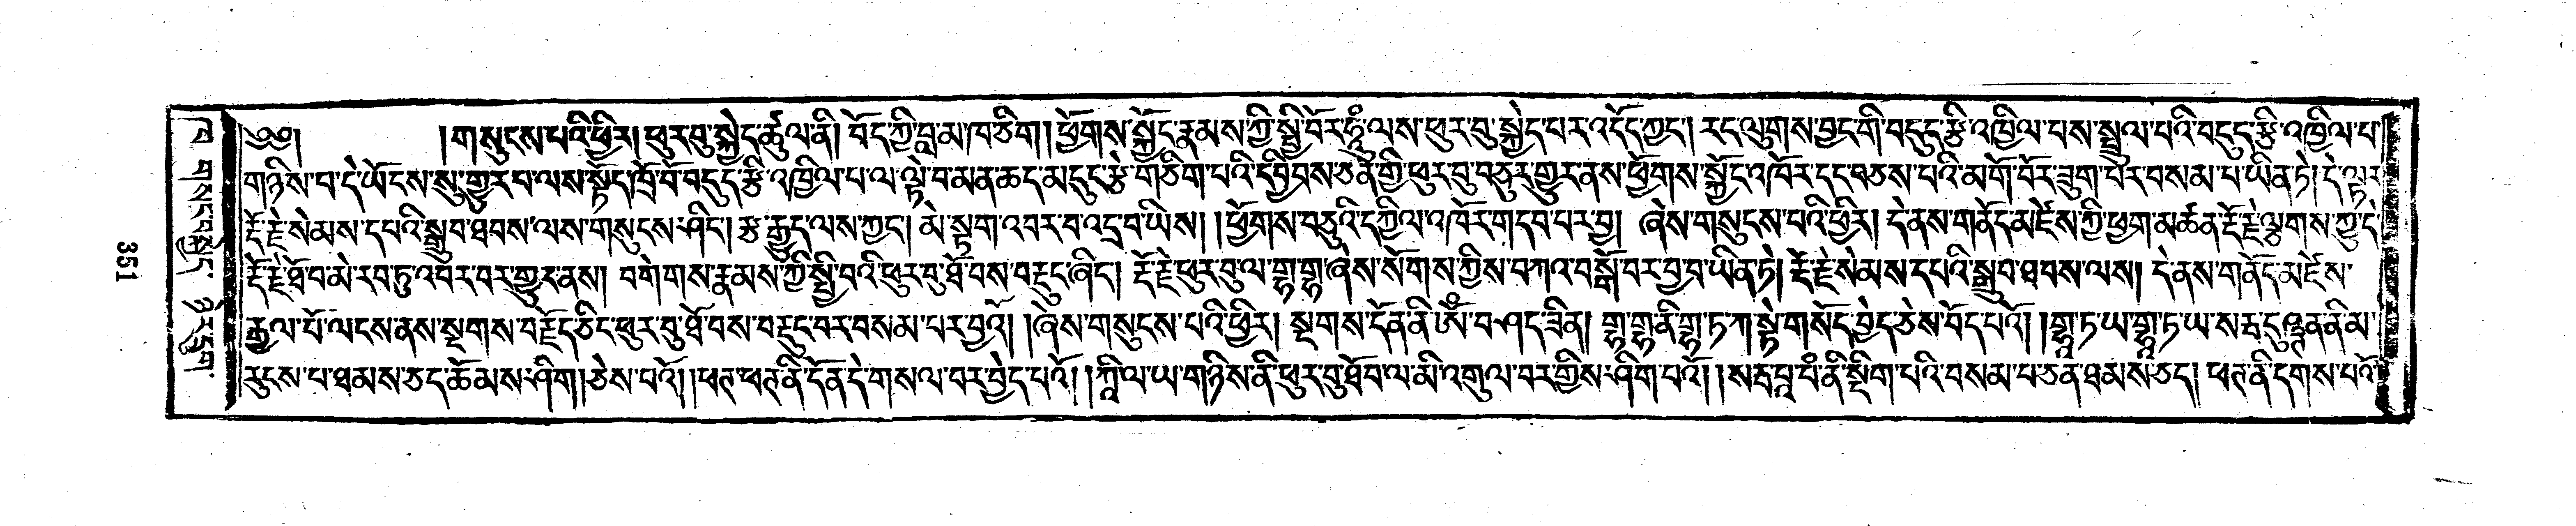༄༅། །གསུངས་པའི་ཕྱིར། ཕུར་བུ་སྐྱེད་ཚུལ་ནི། བོད་ཀྱི་བླ་མ་ཁ་ཅིག །ཕྱོགས་སྐྱོང་རྣམས་ཀྱི་སྤྱི་བོར་ཧཱུཾ་ལས་ཕུར་བུ་སྐྱེད་པར་འདོད་ཀྱང་། རང་ལུགས་བྱང་གི་བདུད་རྩི་འཁྱིལ་བས་སྤྲུལ་བའི་བདུད་རྩི་འཁྱིལ་པ་
གཉིས་པ་དེ་ཡོངས་སུ་གྱུར་པ་ལས་སྟོད་ཁྲོ་བོ་བདུད་རྩི་འཁྱིལ་པ་ལ་ལྟེ་བ་མན་ཆད་མདུད་རྩེ་གཅིག་པའི་དབྱིབས་ཅན་གྱི་ཕུར་བུ་བཅུར་གྱུར་ནས་ཕྱོགས་སྐྱོང་འཁོར་དང་བཅས་པའི་མགོ་བོར་ཟུག་པར་བསམ་པ་ཡིན་ཏེ། དེ་ལྟར་
རྡོ་རྗེ་སེམས་དཔའི་སྒྲུབ་ཐབས་ལས་གསུངས་ཤིང་། རྩ་རྒྱུད་ལས་ཀྱང་། མེ་སྟག་འབར་བ་འདྲ་བ་ཡིས། །ཕྱོགས་བཅུའི་དཀྱིལ་འཁོར་གདབ་པར་བྱ། ཞེས་གསུངས་པའི་ཕྱིར། དེ་ནས་གནོད་མཛེས་ཀྱི་ཕྱག་མཚན་རྡོ་རྗེ་ལྕགས་ཀྱུ་དེ་
རྡོ་རྗེ་ཐོ་བ་མེ་རབ་ཏུ་འབར་བར་གྱུར་ནས། བགེགས་རྣམས་ཀྱི་སྤྱི་བའི་ཕུར་བུ་ཐེབས་བརྡུང་ཞིང་། རྡོ་རྗེ་ཕུར་བུ་ལ་གྷ་གྷ་ཞེས་སོགས་ཀྱིས་བཀའ་བསྒོ་བར་བྱ་བ་ཡིན་ཏེ། རྡོ་རྗེ་སེམས་དཔའི་སྒྲུབ་ཐབས་ལས། དེ་ནས་གནོད་མཛེས་
རྒྱལ་པོ་ལངས་ནས་སྔགས་བརྗོད་ཅིང་ཕུར་བུ་ཐེ་བས་བརྡུང་བར་བསམ་པར་བྱའོ། །ཞེས་གསུངས་པའི་ཕྱིར། སྔགས་དོན་ནི་ཨོཾ་བཤད་ཟིན། གྷ་གྷ་ནི་གྷ་ཏ་ཀ་སྟེ་གསོད་བྱེད་ཅེས་བོད་པའོ། །གྷཱ་ཏ་ཡ་གྷཱ་ཏ་ཡ་སརྦ་དུཥྚྣ་ནི་མ་
རུངས་བ་ཐམས་ཅད་ཆོམས་ཤིག །ཅེས་པའོ། །ཕཊ་ཕཊ་ནི་དོན་དེ་གསལ་བར་བྱེད་པའོ། །ཀཱི་ལ་ཡ་གཉིས་ནི་ཕུར་བུ་ཐོབ་ལ་མི་འགུལ་བར་གྱིས་ཤིག་པའོ། །སརྦ་བཱ་པ་ནི་སྡིག་པའི་བསམ་པ་ཅན་ཐམས་ཅད། ཕཊ་ནི་དགས་པའོ་